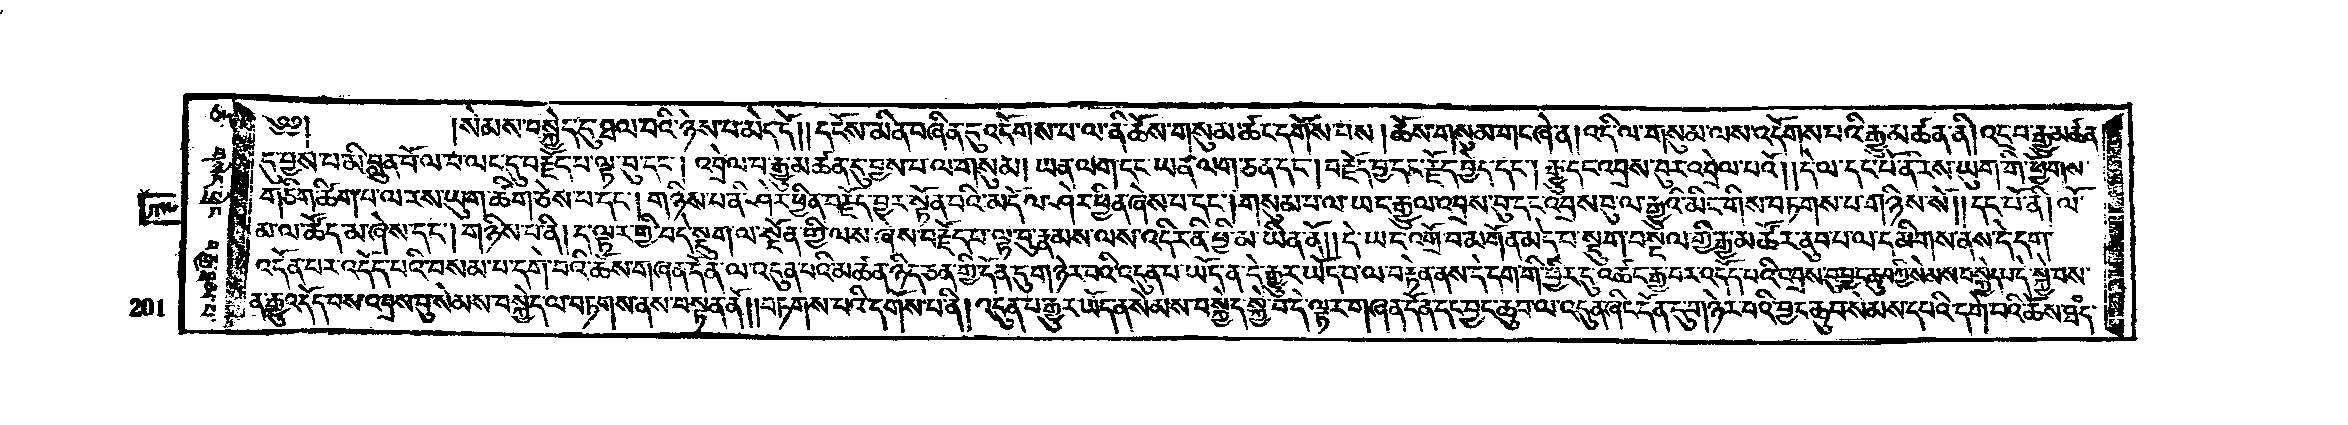༄༅། །སེམས་བསྐྱེད་དུ་ཐལ་བའི་ཉེས་པ་མེད་དོ། །དངོས་མིན་བཞིན་དུ་འདོགས་པ་ལ་ནི་ཆོས་གསུམ་ཚང་དགོས་པས། ཆོས་གསུམ་གང་ཞེ་ན། འདི་ལ་གསུམ་ལས་འདོགས་པའི་རྒྱུ་མཚན་ནི། །འོང་བ་རྒྱུ་མཚན་
དུ་བྱས་པ་མི་བླུན་པོ་ལ་བ་ལང་དུ་བརྗོད་པ་ལྟ་བུ་དང་། འབྲེལ་བ་རྒྱུ་མཚན་དུ་བྱས་པ་ལ་གསུམ། ཡན་ལག་དང་ཡན་ལག་ཅན་དང་། བརྗོད་བྱ་དང་རྗོད་བྱེད་དང་། རྒྱུ་དང་འབྲས་བུར་འབྲེལ་པའོ། །དེ་ལ་དང་པོ་ནི་རས་ཡུག་གི་ཕྱོགས་
གཅིག་ཚིག་པ་ལ་རས་ཡུག་ཚིག་ཅེས་པ་དང་། གཉིས་པ་ནི་ཤེར་ཕྱིན་བརྗོད་བྱར་སྟོན་པའི་མདོ་ལ་ཤེར་ཕྱིན་ཞེས་པ་དང་། གསུམ་པ་ལ་ཡང་རྒྱུ་ལ་འབྲས་བུ་དང་འབྲས་བུ་ལ་རྒྱུའི་མིང་གིས་བཏགས་པ་གཉིས་སོ། །དང་པོ་ནི། ལོ་
མ་ལ་ཚོད་མ་ཞེས་དང་། གཉིས་པ་ནི། ད་ལྟར་གྱི་བདེ་སྡུག་ལ་སྔོན་གྱི་ལས་ཞེས་བརྗོད་པ་ལྟ་བུ་རྣམས་ལས་འདིར་ནི་ཕྱི་མ་ཡིན་ནོ། །དེ་ཡང་འགྲོ་བ་མགོན་མེད་པ་སྡུག་བསྔལ་གྱི་རྒྱ་མཚོར་ནུབ་པ་ལ་དམིགས་ནས་དེ་དག་
འདོན་པར་འདོད་པའི་བསམ་པ་དགེ་བའི་ཆོས་གཞན་དོན་ལ་འདུན་པའི་མཚན་ཉིད་ཅན་གྱི་དོན་དུ་གཉེར་བའི་འདུན་པ་ཡོད་ན་དེ་རྒྱུར་ཡོད་པ་ལ་བརྟེན་ནས་དེ་དག་གི་ཕྱིར་དུ་འཚང་རྒྱ་བར་འདོད་པའི་འབྲས་བུ་བྱང་ཆུབ་ཀྱི་སེམས་བསྐྱེད་པ་དེ་སྐྱེ་བས་
ན་རྒྱུ་འདོད་པས་འབྲས་བུ་སེམས་བསྐྱེད་ལ་བཏགས་ནས་བསྟན་ནོ། །བཏགས་པའི་དགོས་པ་ནི། འདུན་པ་རྒྱུར་ཡོད་ན་སེམས་བསྐྱེད་སྐྱེ་བ་དེ་ལྟར་གཞན་དོན་དང་བྱང་ཆུབ་ལ་འདུན་ཞིང་དོན་དུ་གཉེར་བའི་བྱང་ཆུབ་སེམས་དཔའི་དགེ་བའི་ཆོས་ཐམས་